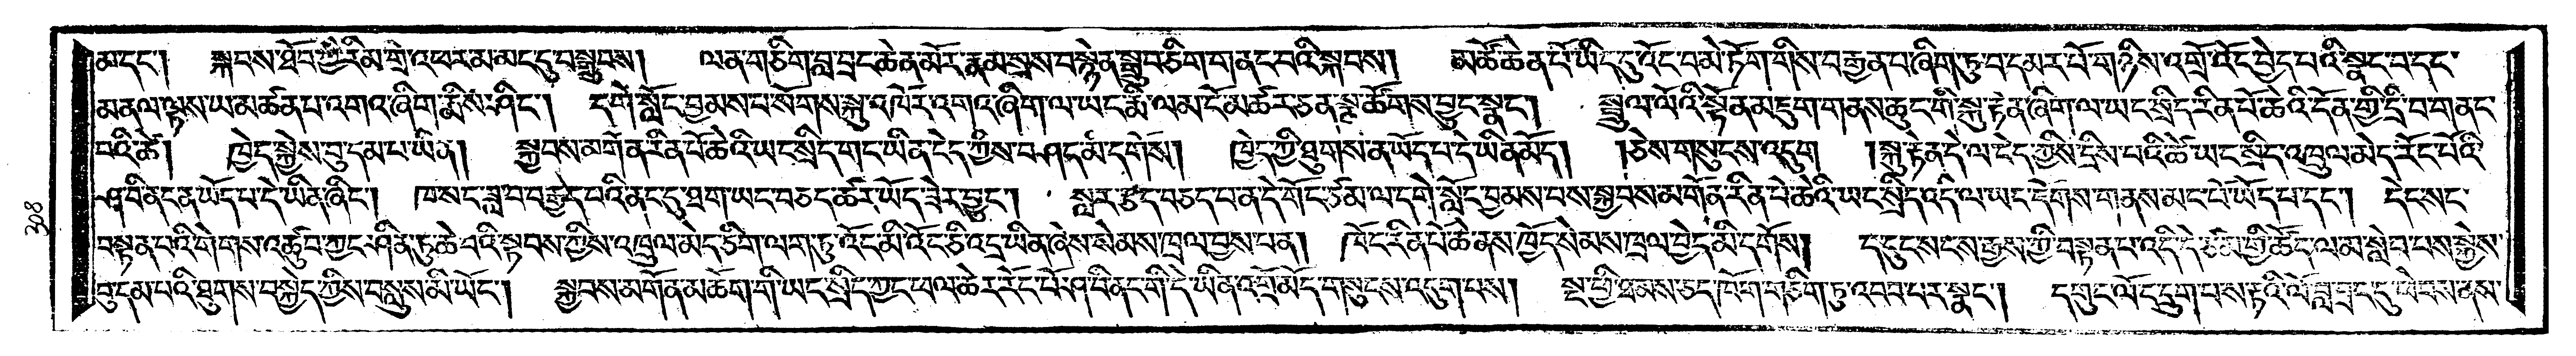མ་དང་། སྐབས་ཐོབ་ཀྱི་རིམ་གྲོ་འཕར་མ་མང་དུ་བསྒྲུབས། ལན་གཅིག་བླ་བྲང་ཆེན་མོར་རྣམ་སྲས་བསྙེན་སྒྲུབ་ཅིག་གནང་བའི་སྐབས། མཚོ་ཆེན་པོ་ཡིད་དུ་འོང་བ་མེ་ཏོག་གིས་བརྒྱན་བ་ཞིག་ཏུ་པ་དམར་པོ་གཉིས་འགྲོ་འོང་བྱེད་པའི་སྣང་བ་དང་
མནལ་ལྟས་ཡ་མཚན་པ་འགའ་ཞིག་རྨིས་ཤིང་། དགེ་སློང་བྱམས་བ་སོགས་སྐུ་འཁོར་འགའ་ཞིག་ལ་ཡང་རྨི་ལམ་ངོ་མཚར་ཅན་སྣ་ཚོགས་བྱུང་སྣང་། སྤྲུལ་ལོའི་སྟོན་མཇུག་གནས་ཆུང་གི་སྐུ་རྟེན་ཞིག་ལ་ཡང་སྲིད་རིན་པོ་ཆེའི་དོན་གྱི་དྲི་བ་གནང་
བའི་ཚེ། ཁྱེད་སྐྱེས་བུ་དམ་པ་ཡིན། སྐྱབས་མགོན་རིན་པོ་ཆེའི་ཡང་སྲིད་གང་ཡིན་ངེད་ཀྱིས་བཤད་མི་དགོས། ཁྱེད་ཀྱི་ཐུགས་ན་ཡོད་བ་དེ་ཡིན་མོད། །ཅེས་གསུངས་འདུག །སྐུ་རྟེན་དེ་ལ་ངེད་ཀྱིས་དྲིས་བའི་ཚེ་ཡང་སྲིད་འཁྲུལ་མེད་རོང་བོའི་
ཤ་བི་ནང་ན་ཡོད་བ་དེ་ཡིན་ཞིང་། ཁ་སང་ཟླ་བ་བརྒྱད་བའི་ནང་དུ་ཐག་ཡང་བཅད་ཚར་ཡོད་ཟེར་བྱུང་། སླར་རྩད་བཅད་པ་ན་དེ་གོང་ཙམ་ལ་དགེ་སློང་བྱམས་པས་སྐྱབས་མགོན་རིན་པོ་ཆེའི་ཡང་སྲིད་འདི་ལ་ཡང་དགོས་གནས་མང་པོ་ཡོད་བ་དང་། དེང་སར་
བསྟན་པའི་གེགས་འཚུབ་ཀྱང་ཤིན་ཏུ་ཆེ་བའི་སྟབས་ཀྱིས་འཁྲུལ་མེད་ཅིག་ལག་ཏུ་འོང་མིའོང་ཅི་འདྲ་ཡིན་ཞེས་སེམས་ཁྲལ་བྱས་པན། ཁོང་རིན་པོ་ཆེ་ནས་ཁྱོད་སེམས་ཁྲལ་བྱེད་མི་དགོས། ད་དུང་སངས་རྒྱས་ཀྱི་བསྟན་པ་འདི་དེ་ཙམ་གྱི་ཚོད་ལམ་སླེབ་བས་སྐྱེས་
བུ་དམ་བའི་ཐུགས་བསྐྱེད་ཀྱིས་བསླུས་མི་ཡོང་། སྐྱབས་མགོན་མཆོག་གི་ཡང་སྲིད་ཀྱང་ཕལ་ཆེར་རོང་བོ་ཤ་བི་ནང་གི་དེ་ཡིན་འགྲོ་མོད་གསུངས་འདུག་པས། སྔ་ཕྱི་ཐམས་ཅད་ཁོག་གཅིག་ཏུ་འབབ་པར་སྣང་། དགུང་ལོང་དྲུག་བས་རྟའི་ལོ་བླ་བྲང་དུ་ཕེབས་ནས་